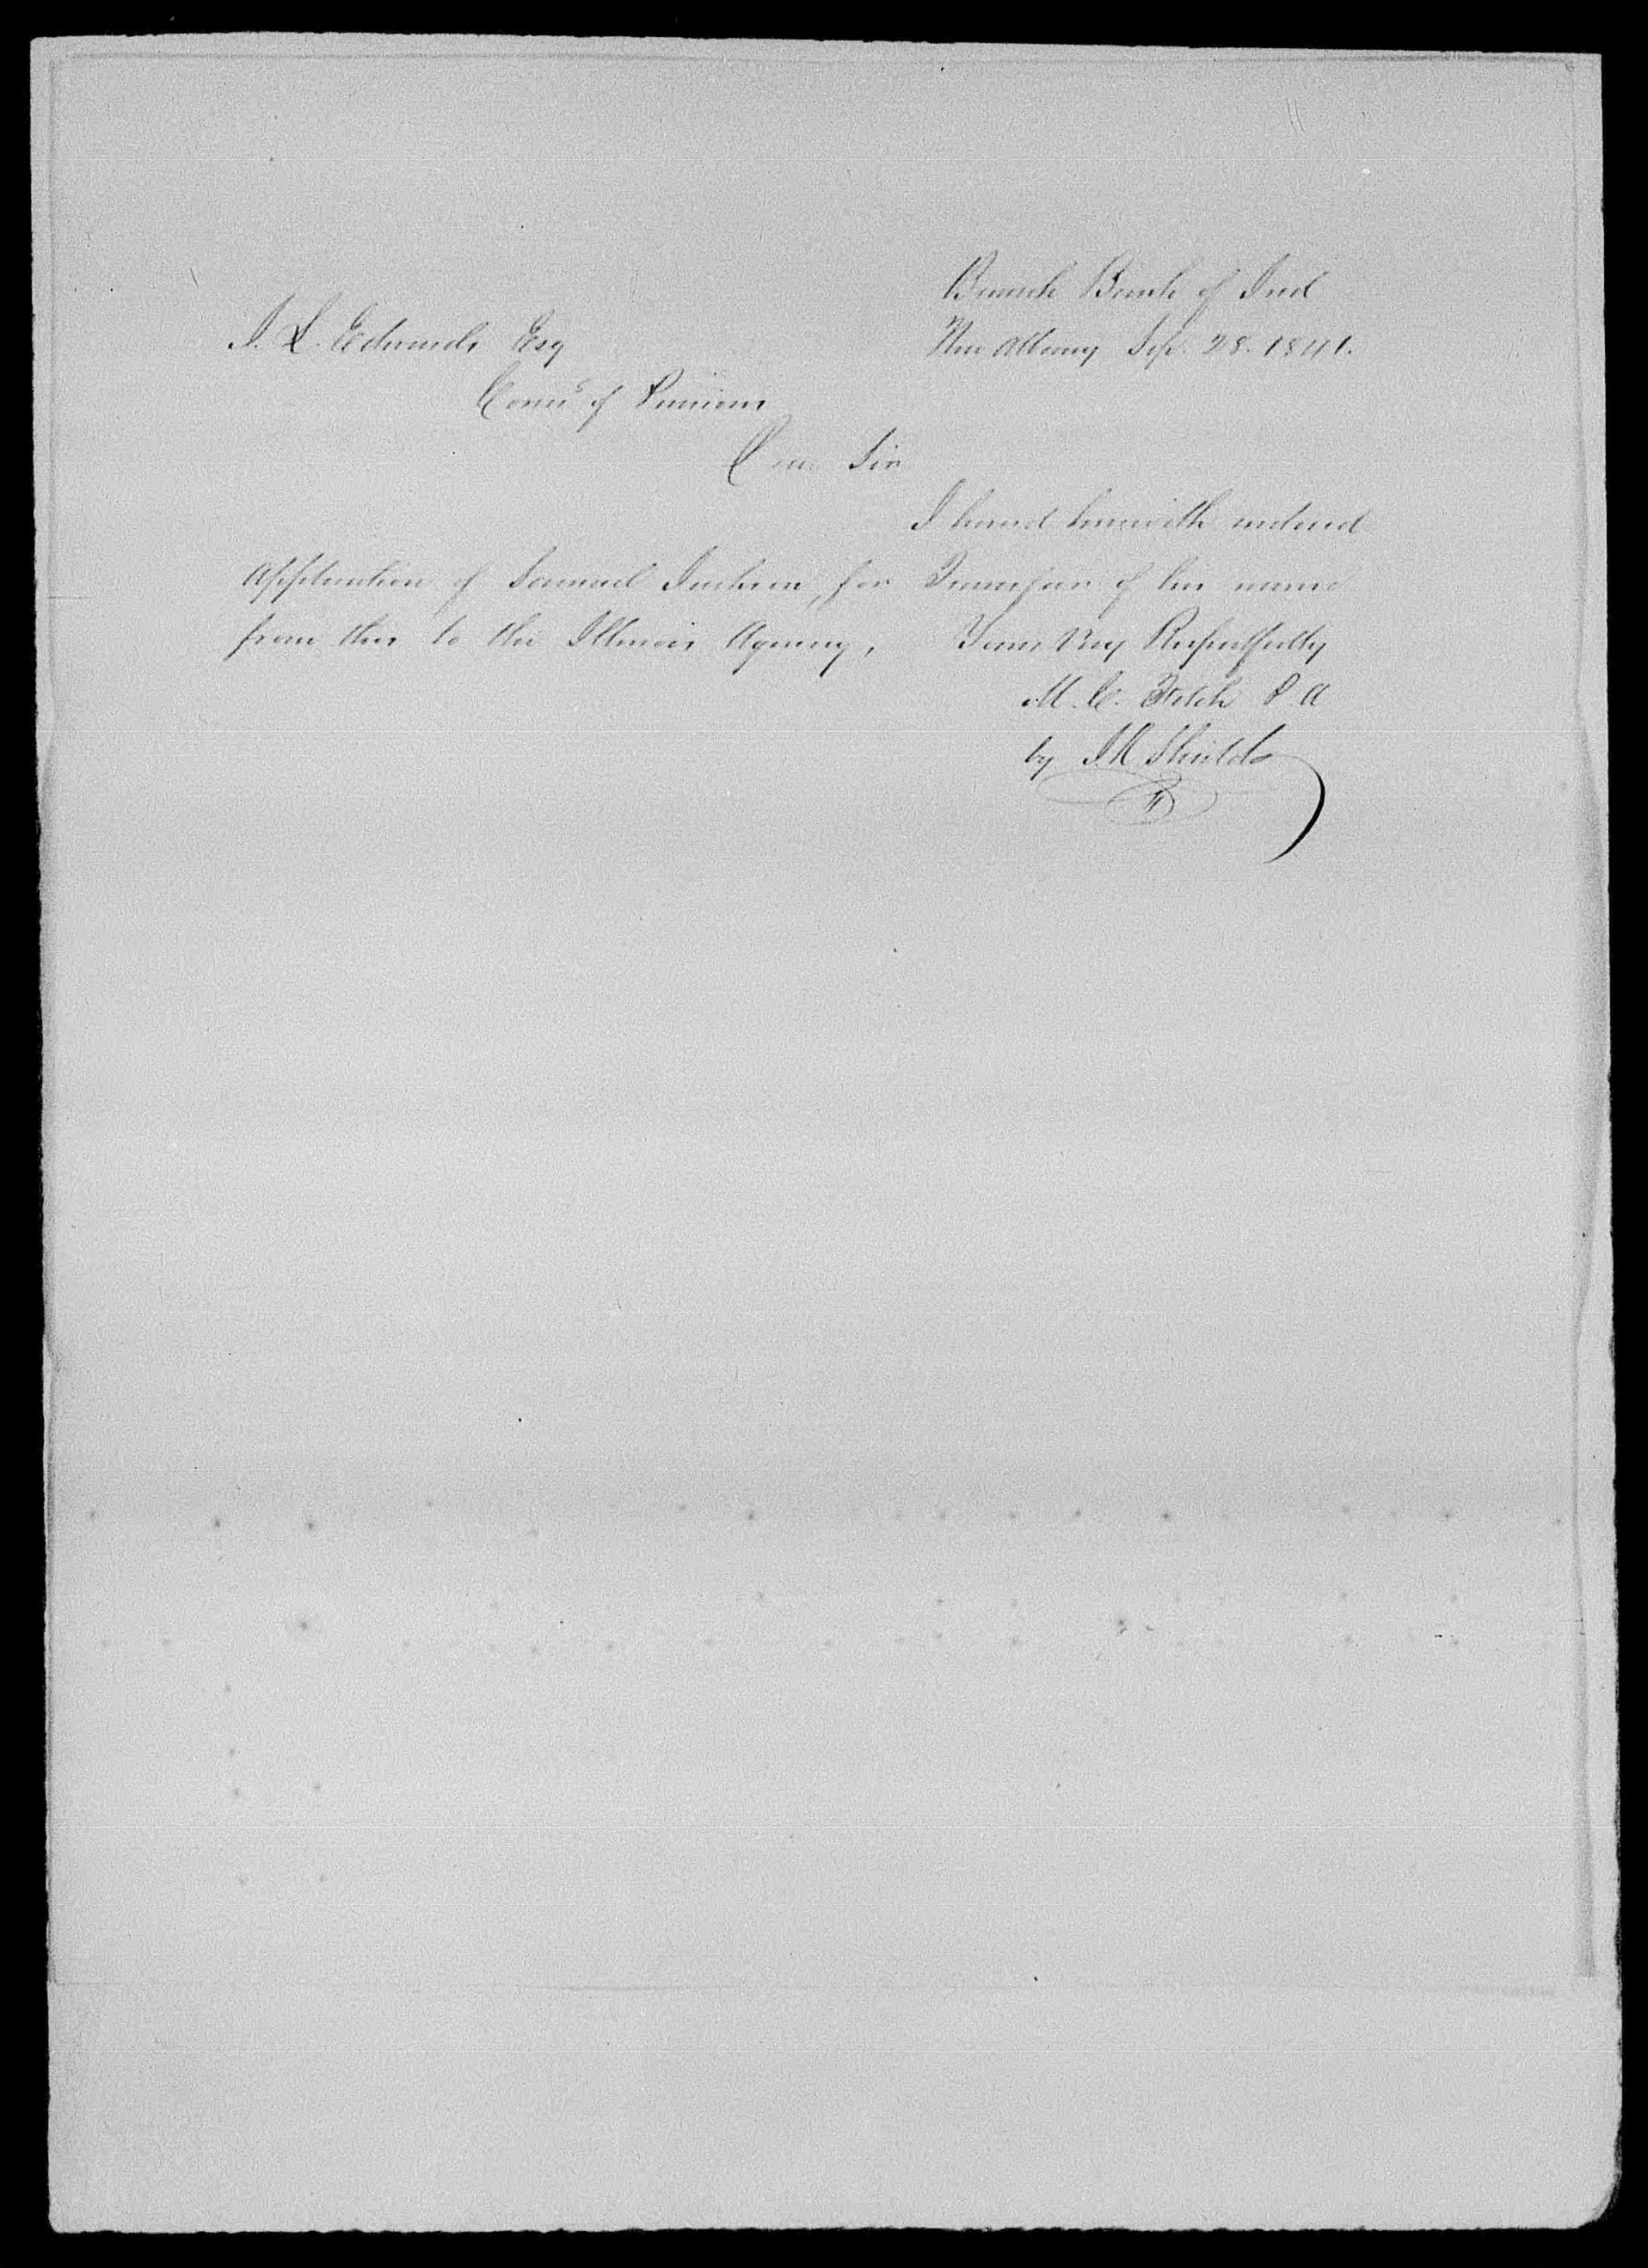Branch Bank of Ind
New Albany Sep 28. 1841.

J. L. Edwards Esq
Comn of Pensions

Dear Sir

I [illegible] herewith [illegible]
application of Samuel Jackson for Transfer of his name
from this to the Illinois Agency.
Yours Very Repectfully
M. C. Fitch P. A
by J. R. Shields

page: 28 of 56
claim: rejected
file: R 5529, for Samuel Jackson, Virginia